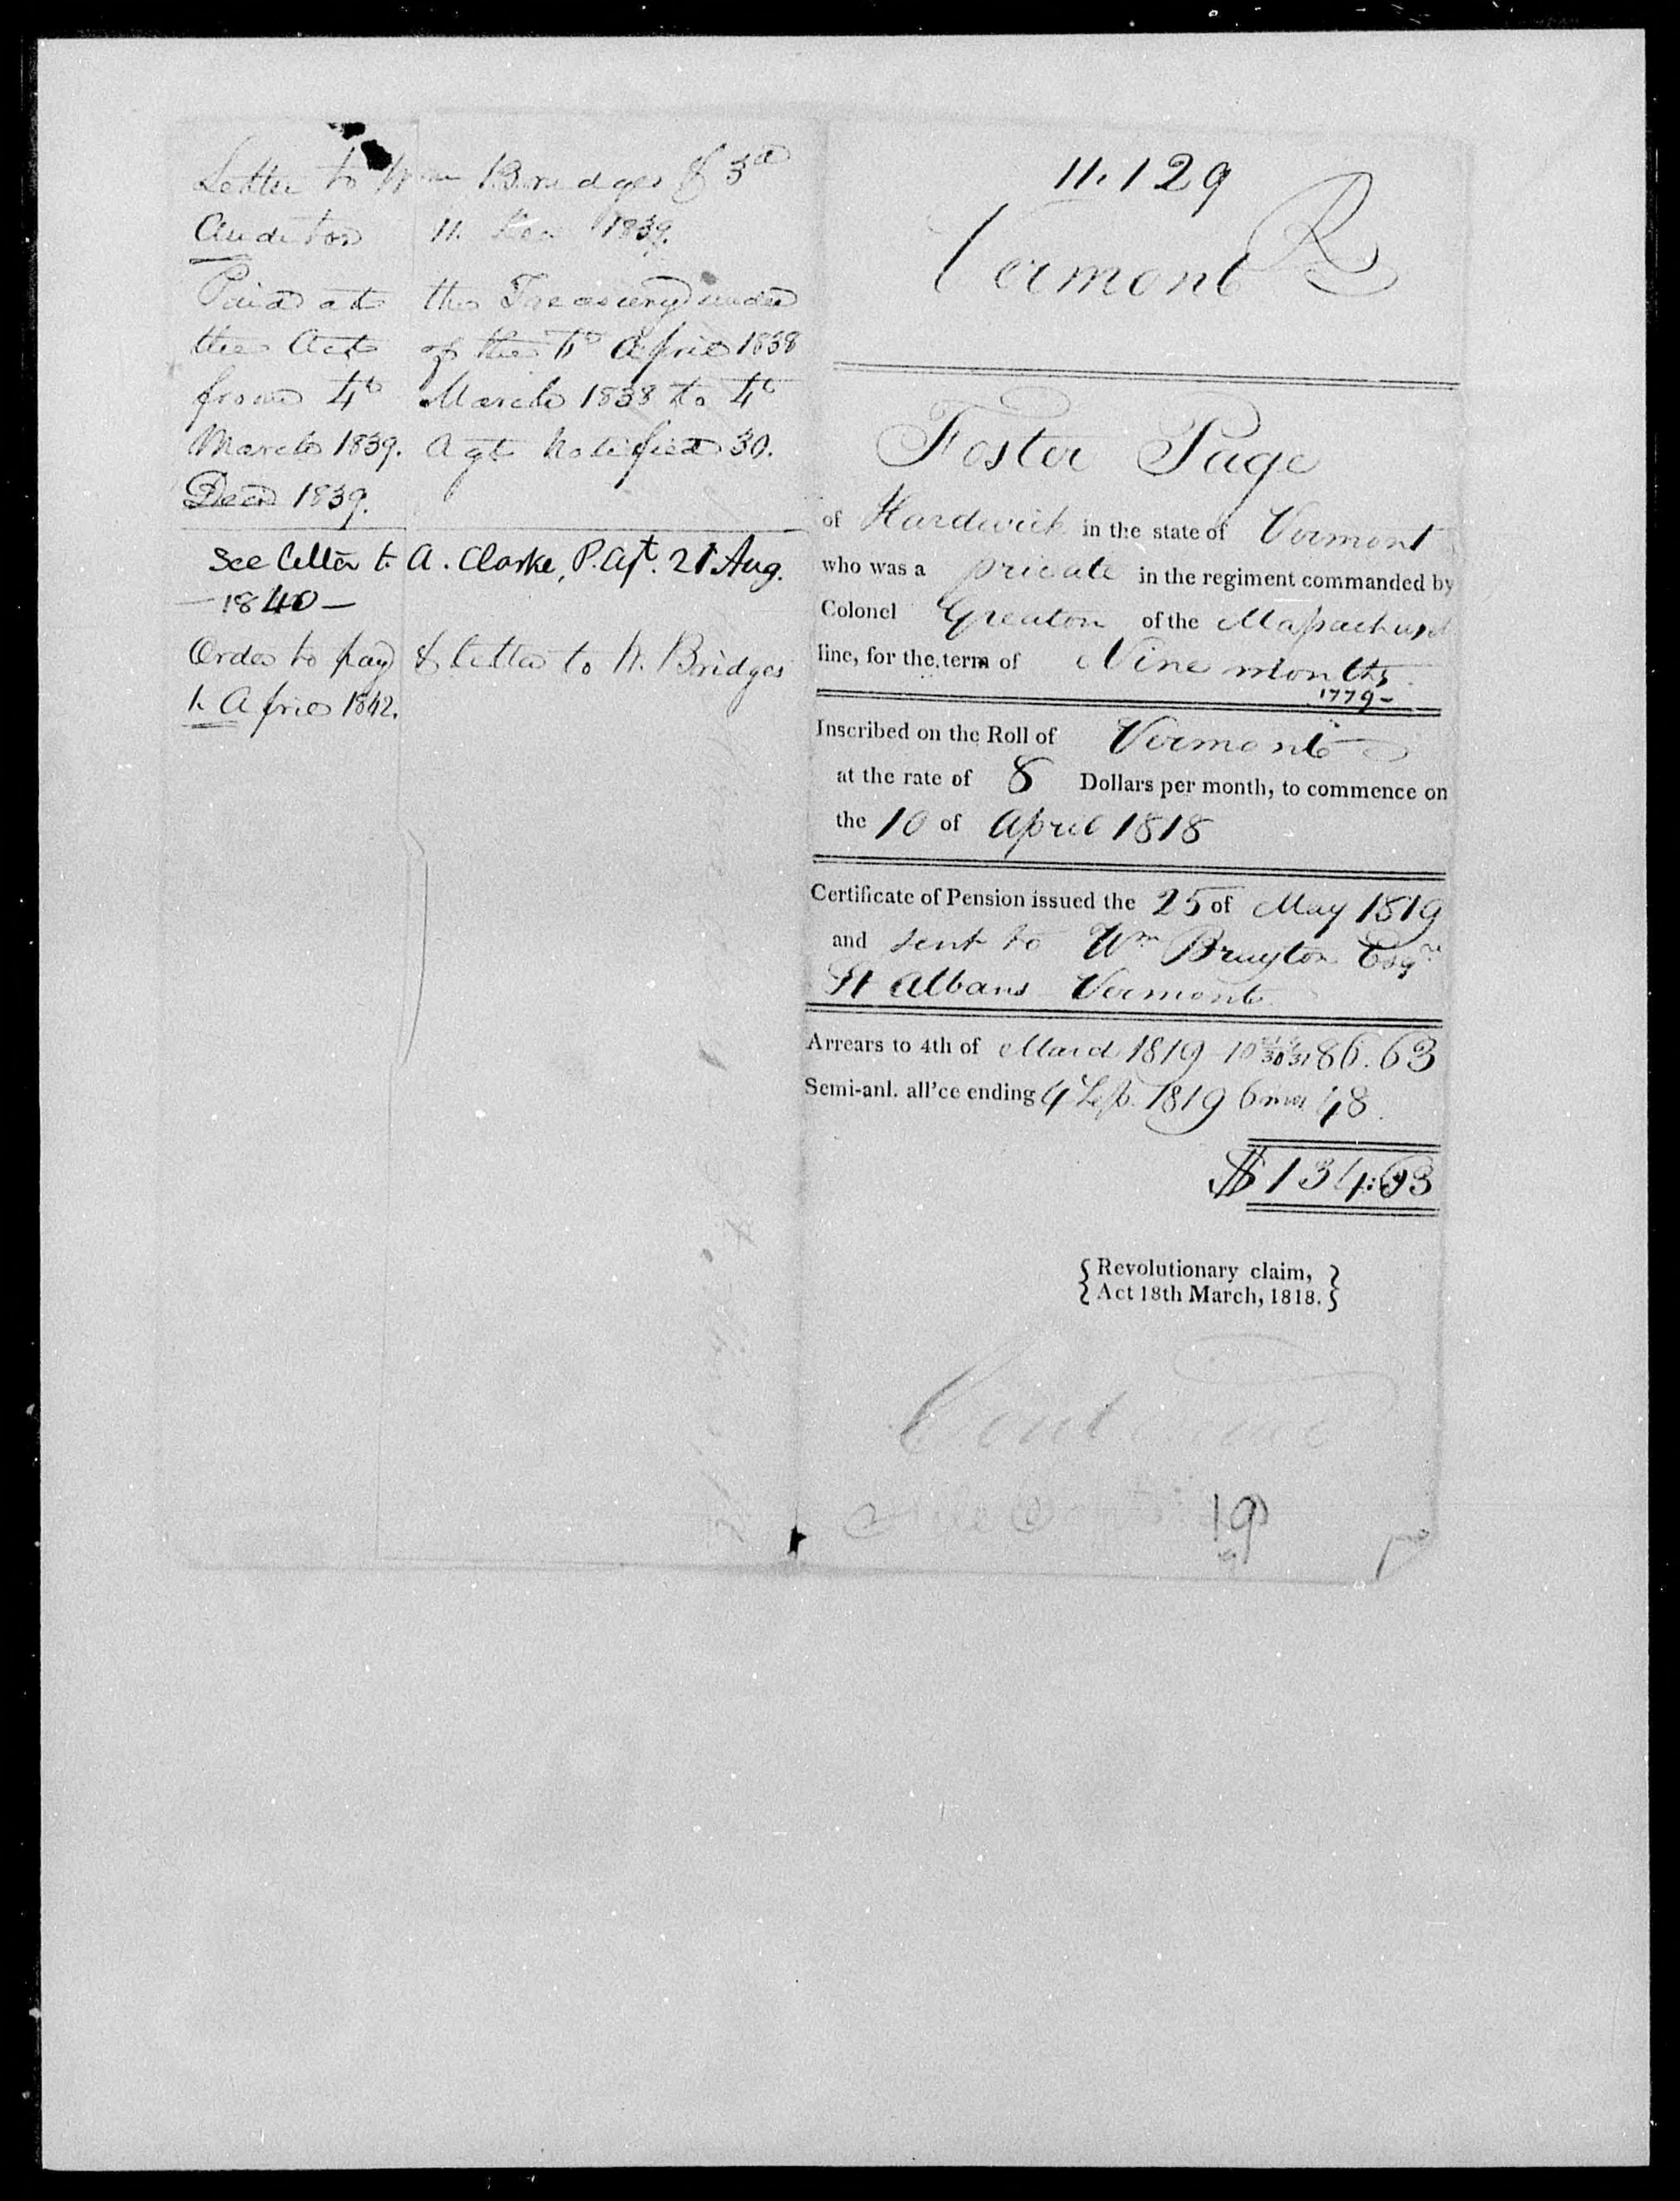Letter to Wm Bridges & 3d
Auditor
11. Dec 1839.
Paid at the Treasury under the
Act
of the 6th April 1838
from 4th March 1838 to 4th
March 1839. Agt Notified 30
Dec 1839
See letter to A. Clarke, P. At 21 Aug
1840-
Order to pay & letter to 
W. Bridges
1. April 1842, 
[illegible writing in margin]
11.129
Vermont
Foster Page
of Hardwick in the State of Vermont
who was a private in the regiment commanded by
Colonel Greaton of the Massachuset
line, for the term of nine months
1779 -
Inscribed on the Roll of Vermont
at the rate of 8 Dollars per month, to commence on
the 10 of April 1818
Certificate of Pension issued the 25 of May 1819
and sent to
Wm Brayton Esqr
St Albans Vermont
Arrears to 4th of March 1819 10 21/30 3/31 86.63
Semi-anl. all'ce ending 4 Sep 1819 6 mos 48
$134.53
{Revolutionary claim,
Act 18th March, 1818.}
Cont [illegible]
19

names: Wm Brayton; [BLANK] Greaton; A Clarke; Foster Page; Wm Bridges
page: 3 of 40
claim: widow's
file: W. 15168, for Foster Paige, Massachusetts